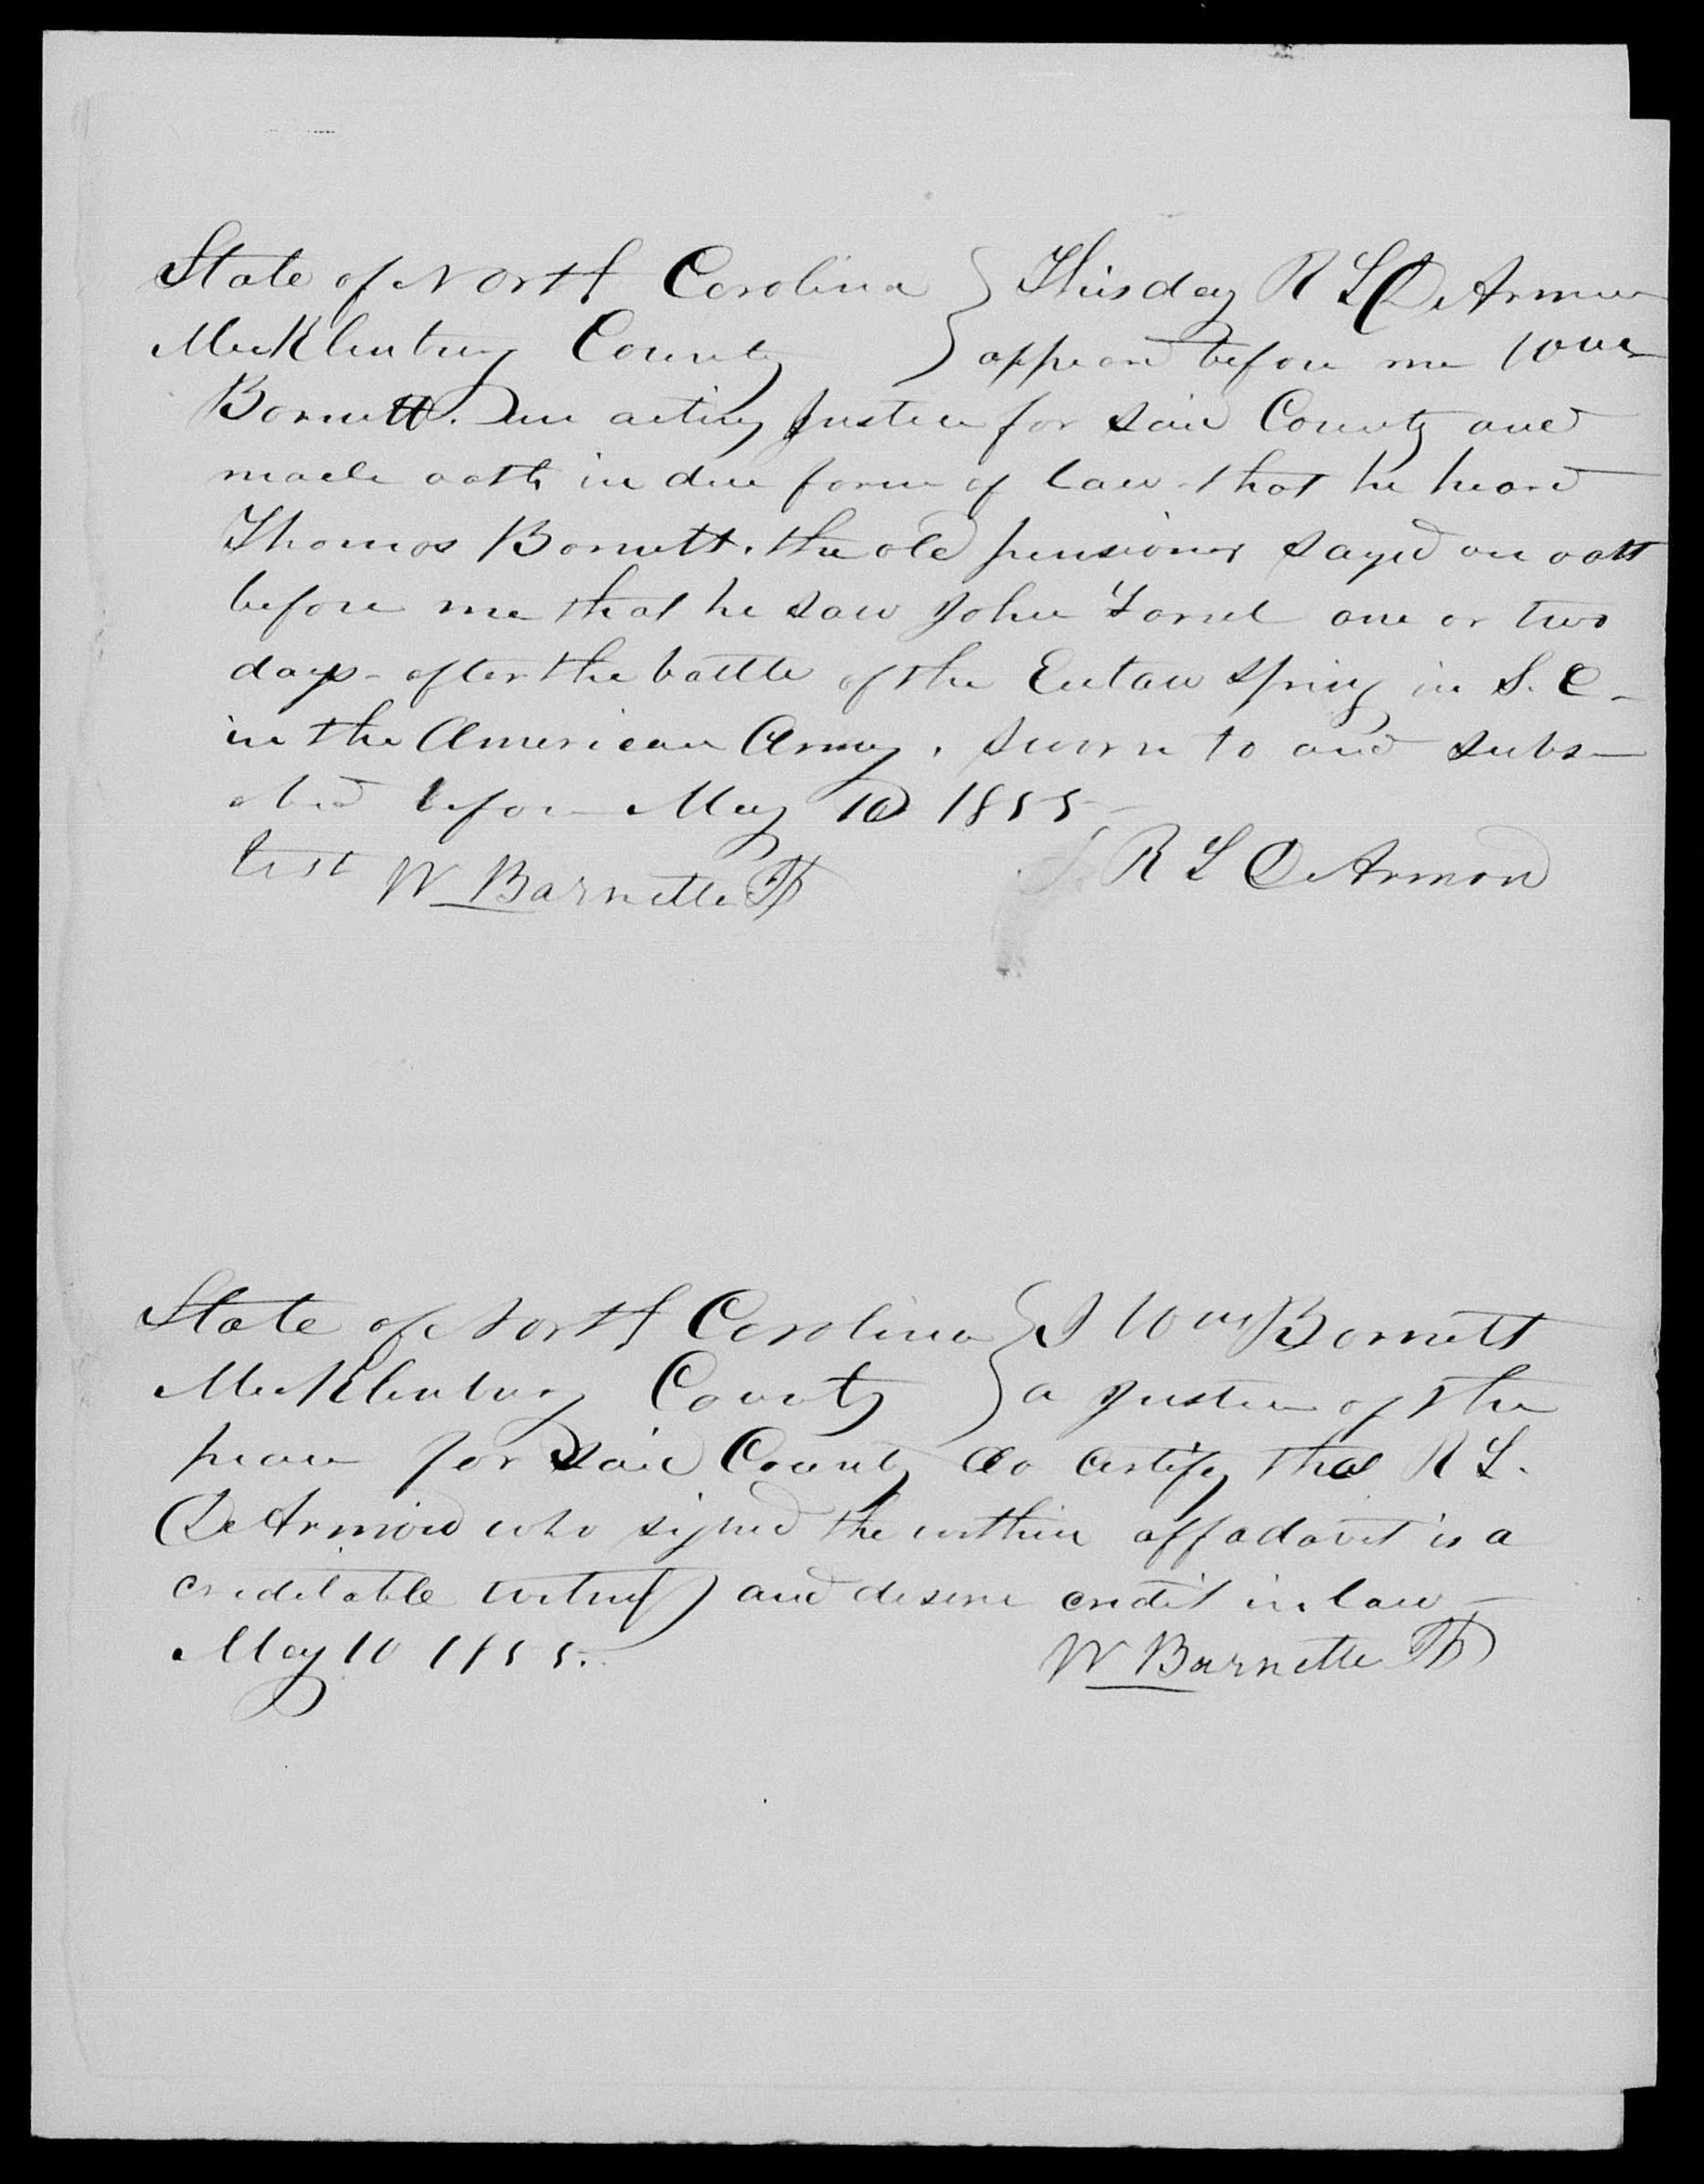State of North Carolina
Meckenburg County
This day RL DeArmour appeared before me Wm. Barnett an acting Justice for said County and made oath in due form of law that he knows Thomas Barnett the ole pensioner sayed an oath before e that he saw John Ferrel one or two days after the battle of the Eutaw Spring in SC in the American Army, sworn to and subs AJ before May 10 1855
Test W Barnette JP RL DeArmour
State of North Carolina
Mecklenburg County
I Wm Barnett a justice of the peace foresaid County do certify that RL DeArmour who signed the within affadavit is a creditable witness and deserves credit in law.
May 10 1855 W Barnette JP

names: W Barnette, John Forrel, Wm Barnett, R L De Armon, W Barnette, R L De Armon, Wm Bornett, Thomas Barnett, R L De Armon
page: 34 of 52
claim: rejected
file: R. 3,512, John Ferrell, N.C.